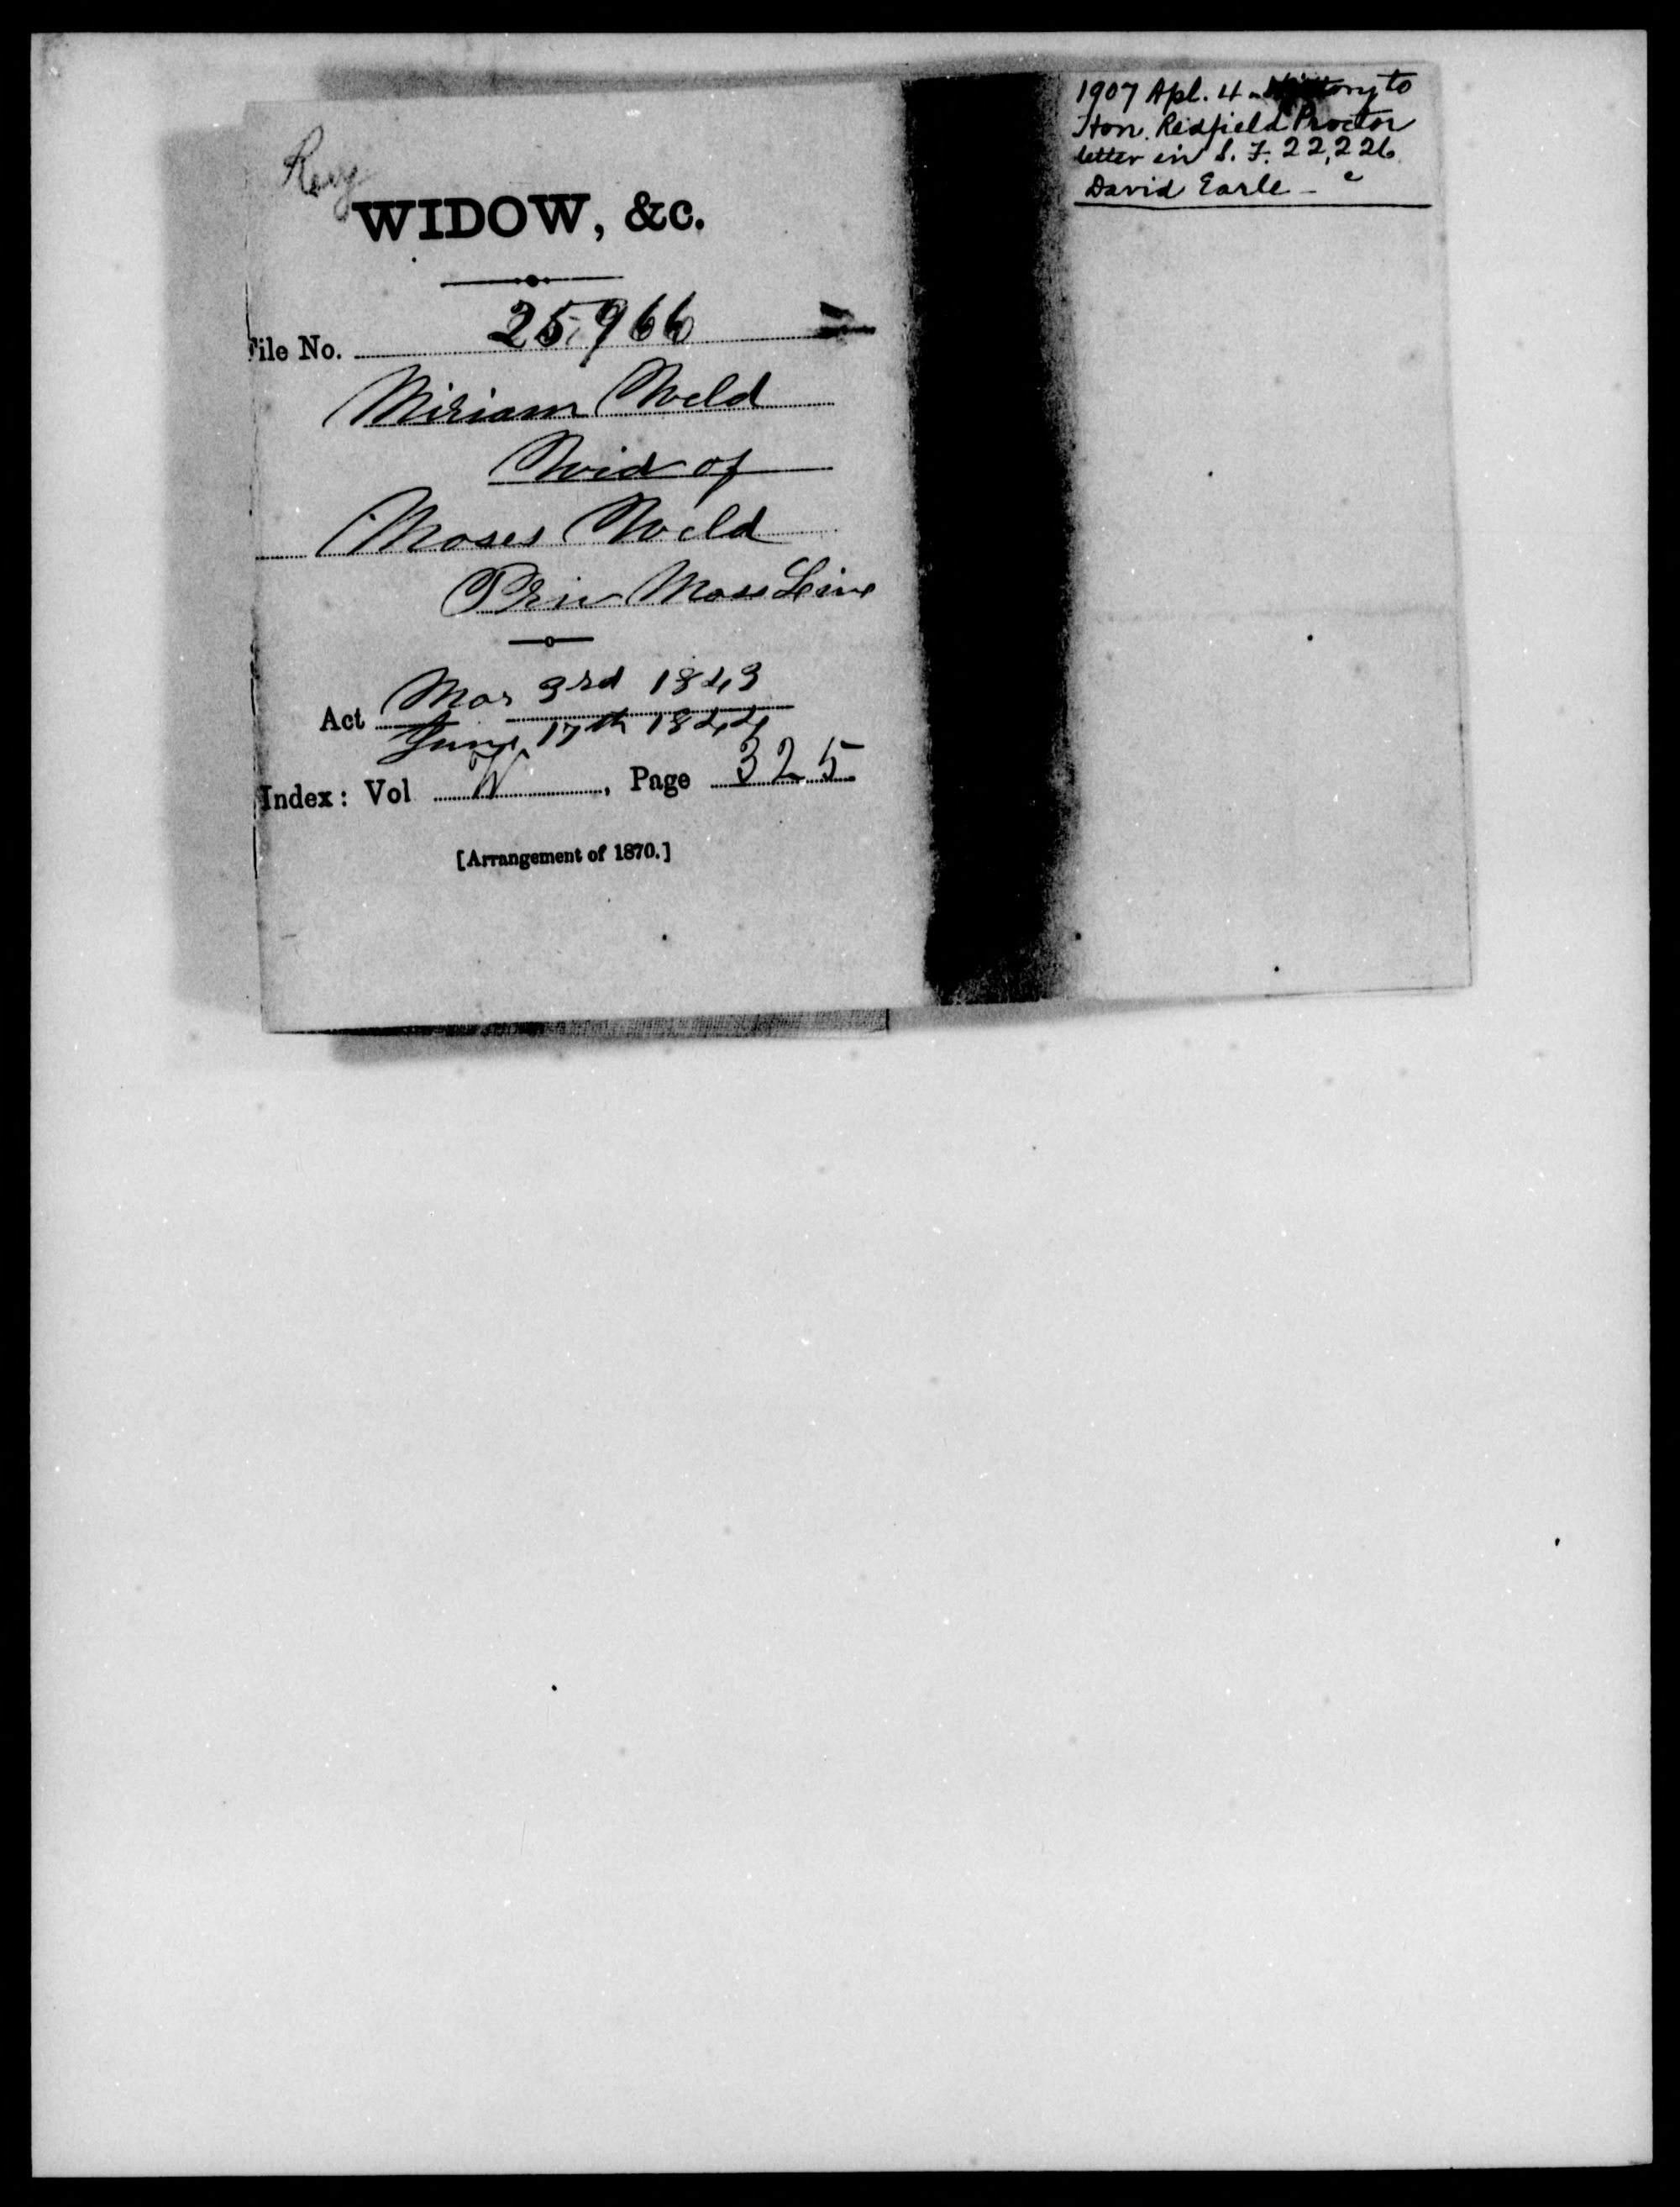WIDOW, &c.
File No. 25.966
Miriam Weld
Wid of
Moses Weld
Priv. Mass Line
Act Mar 3rd 1843
June 17th 1844
Index: Vol. W, Page 325
(Arrangement of 1870.]


1907 Apl. 4 to
Hon. Redfield Proctor
letter in S.F. 22,226
David Earle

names: Moses Weld, Redfield Proctor, Miriam Weld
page: 20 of 87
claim: widow's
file: W. 25,966, Moses Weld, Mass.